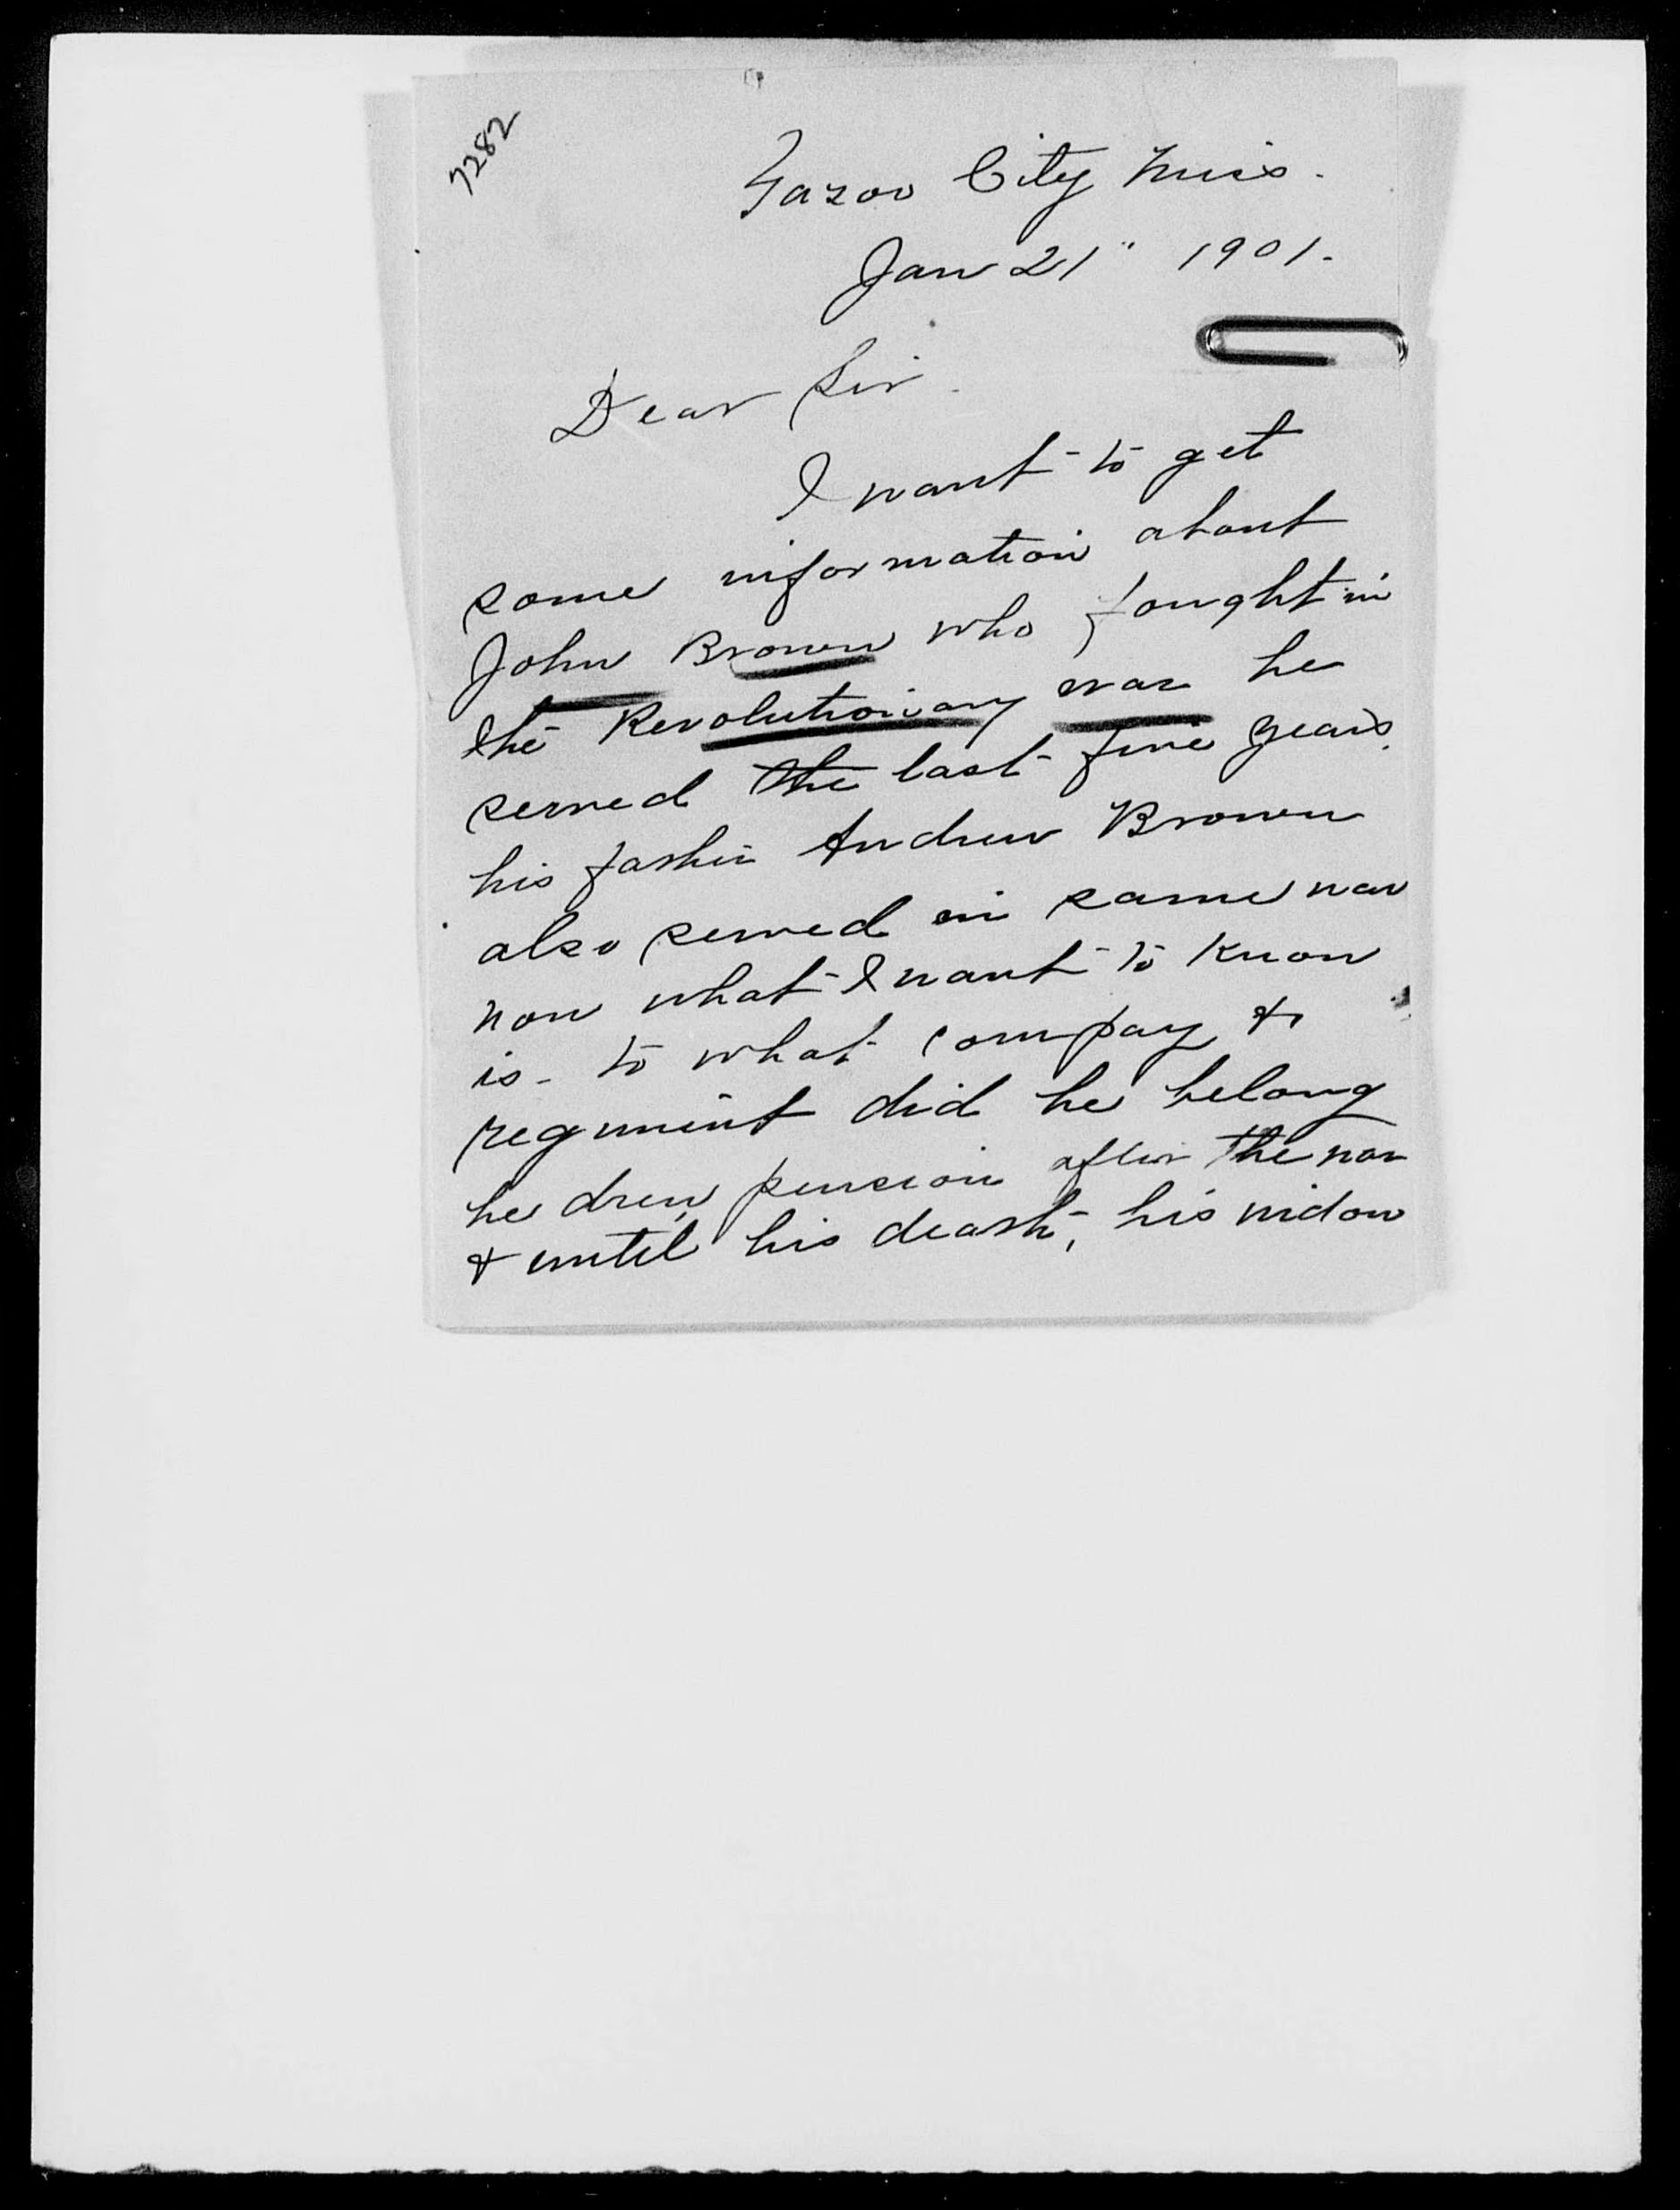Yazoo City Mis
Jan 21 1901
Dear Sir
I want to get some information
about John Brown who
fought in  the Revolutionary war
he served the last five years
his father Andrew Brown
also served in same war
now what I want to know
is to what compay &
regiment did he belong
he drew pension
after the war
until his death his widow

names: Andrew Brown, John Brown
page: 56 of 85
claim: widow's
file: W. 5,906, John Brown, S.C.